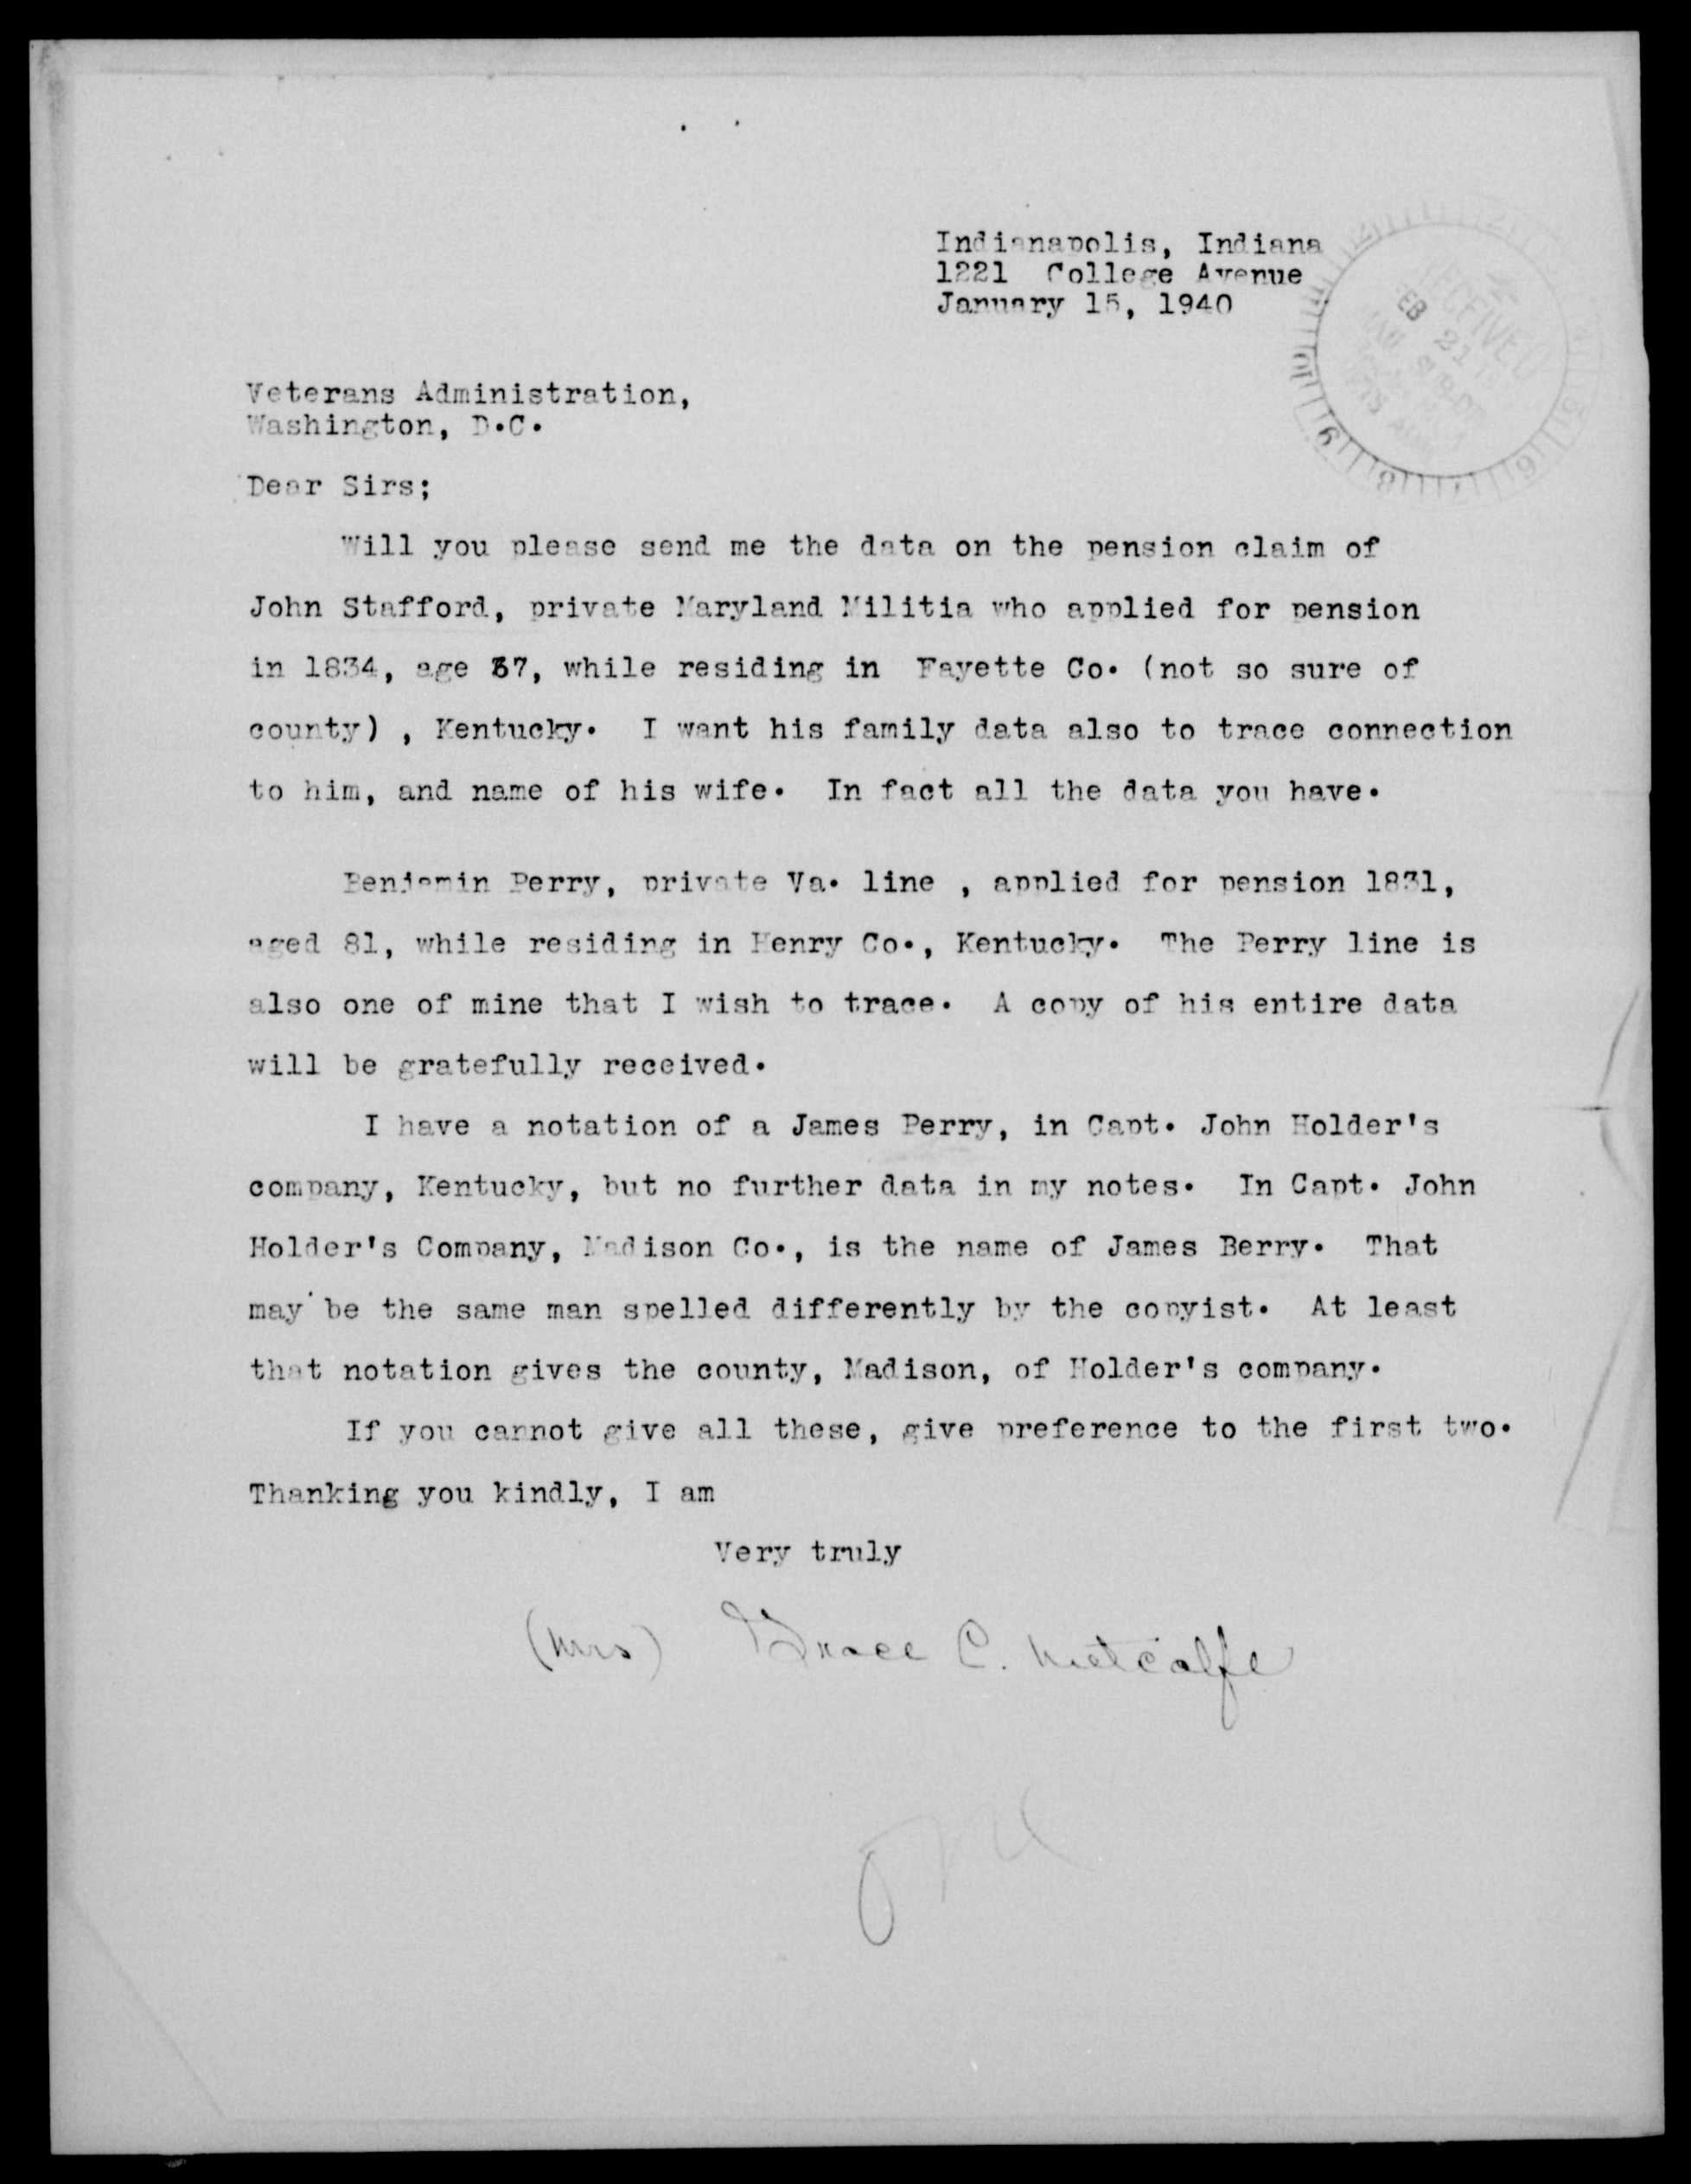Veterans Administration,
Washington, D.C.
Indianapolis, Indiana
1221 College Avenue
January 15, 1940
[stamp] RECEIVED  FEB 21 1919 MAU SUB-DIV [illegible]  1 2 3 4 5 6 7 8 9 10 11 12

Dear Sirs:
Will you please send me the data on the pension claim of
John Stafford, private Maryland Militia who applied for pension
in 1834, age 87, while residing in Fayette Co. (not so sure of
county), Kentucky. I want his family data also to trace connection
to him, and name of his wife. In fact all the data you have
Benjamin Perry, private Va. line, applied for pension 1831,
aged 81, while residing in Henry Co., Kentucky. The Perry line is
also one of mine that I wish to trace. A copy of his entire data
will be gratefully received.
I have a notation of a James Perry, in Capt. John Holder's
company, Kentucky, but no further data in my notes. In Capt. John
Holder's Company, Madison Co., is the name of James Berry. That
may be the same man spelled differently by the copyist. At least
that notation gives the county, Madison, of Holder's company.
If you cannot give all these give preference to the first two
Thanking you kindly, I am

Very truly
(Mrs) Grace C. Metcalfe
[hand written] one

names: [BLANK] Perry; Grace C Metcalfe; John Stafford; Benjamin Perry; James Berry; James Perry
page: 57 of 61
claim: widow's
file: W. 11554, for John Stafford, Maryland